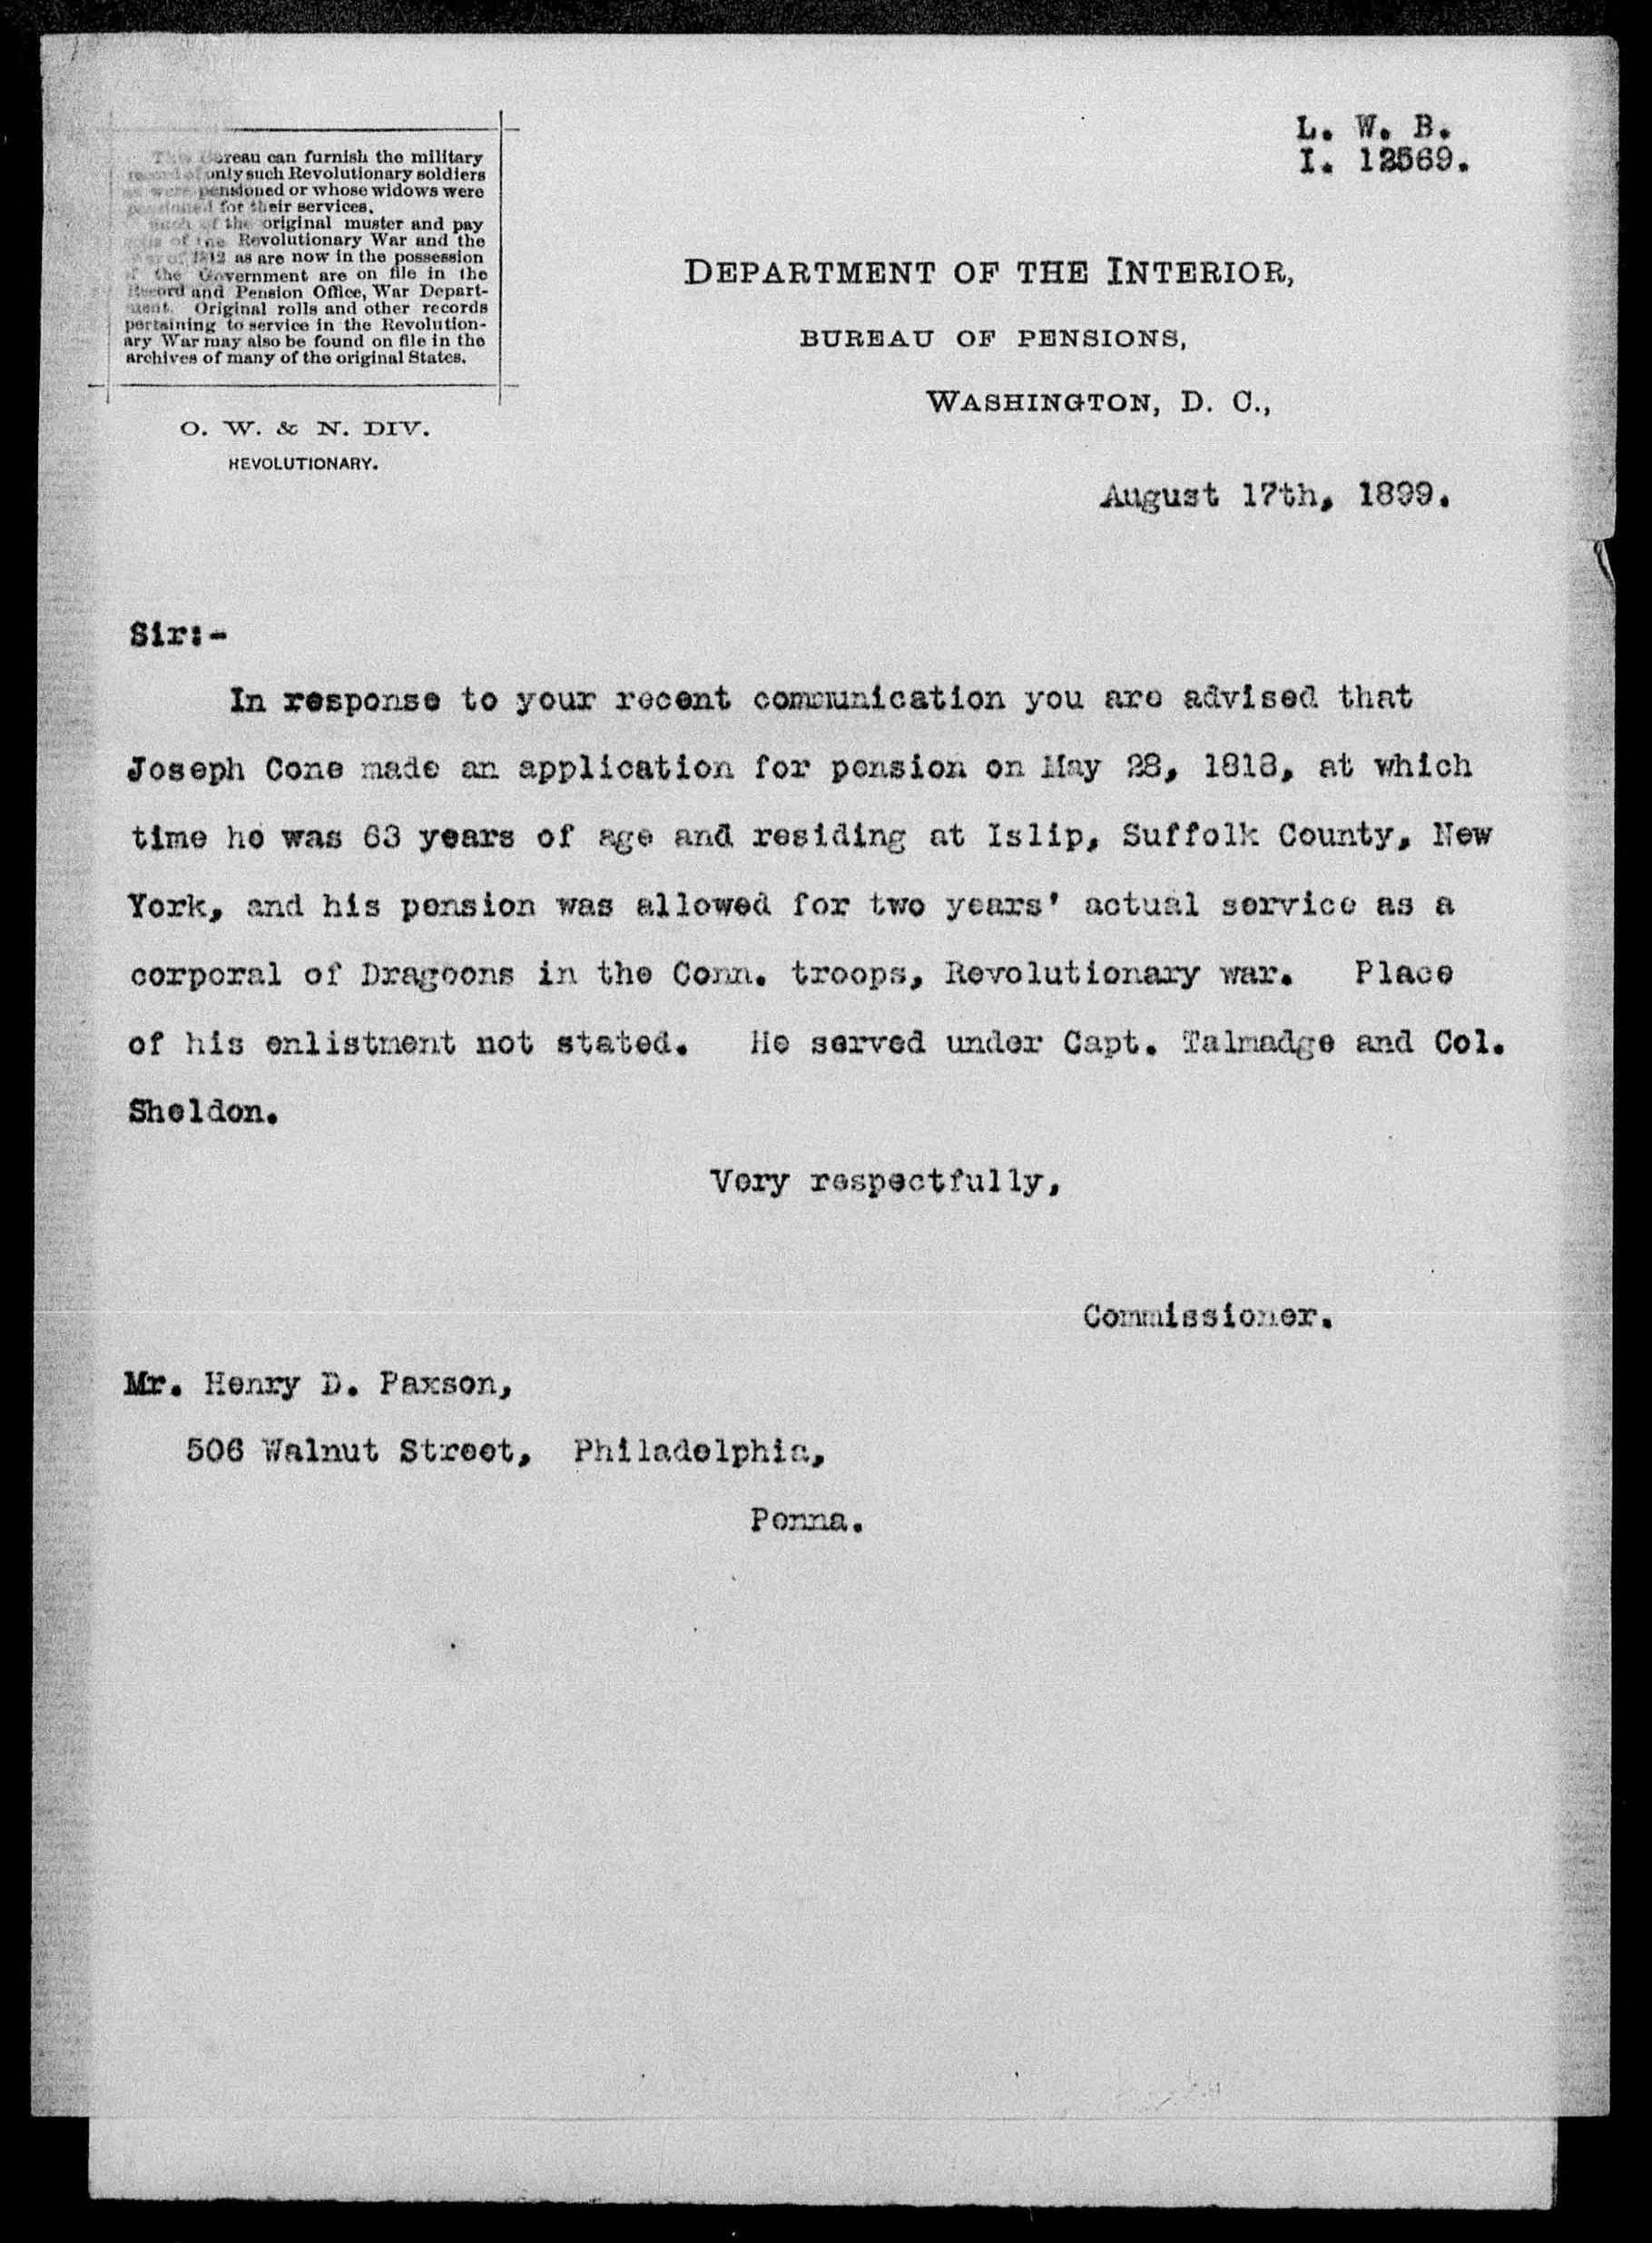L. W. B.
I. 12569.

This Bureau can furnish the military record of only such Revolutionary soldiers as were pensioned or whose widows were pensioned for their services.
Such of the original muster and pay rolls of the Revolutionary War and the War of 1812 as are now in the possession of the Government are on file in the Record and Pension Office, War Department. Original rolls and other records pertaining to service in the Revolutionary War may also be found on file in the archives of many of the original States.
O. W. & N. DIV.
REVOLUTIONARY.

DEPARTMENT OF THE INTERIOR,
BUREAU OF PENSIONS,
WASHINGTON, D. C.,

August 17th, 1899.

Sir:-
In response to your recent communication you are advised that Joseph Cone made an application for pension on May 28, 1818, at which time he was 63 years of age and residing in Islip, Suffolk County, New York, and his pension was allowed for two years' actual service as a corporal of Dragoons in the Conn. troops, Revolutionary war. Place of his enlistment not stated. He served under Capt. Talmadge and Col. Sheldon.

Very respectfully,

Commissioner.

Mr. Henry D. Paxson,
506 Walnut Street, Philadelphia,
Penna.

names: Henry D Paxson, Joseph Cone, Sheldon, Talmadge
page: 13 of 28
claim: survivor's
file: S. 12569, Joseph Cone, Conn Continental